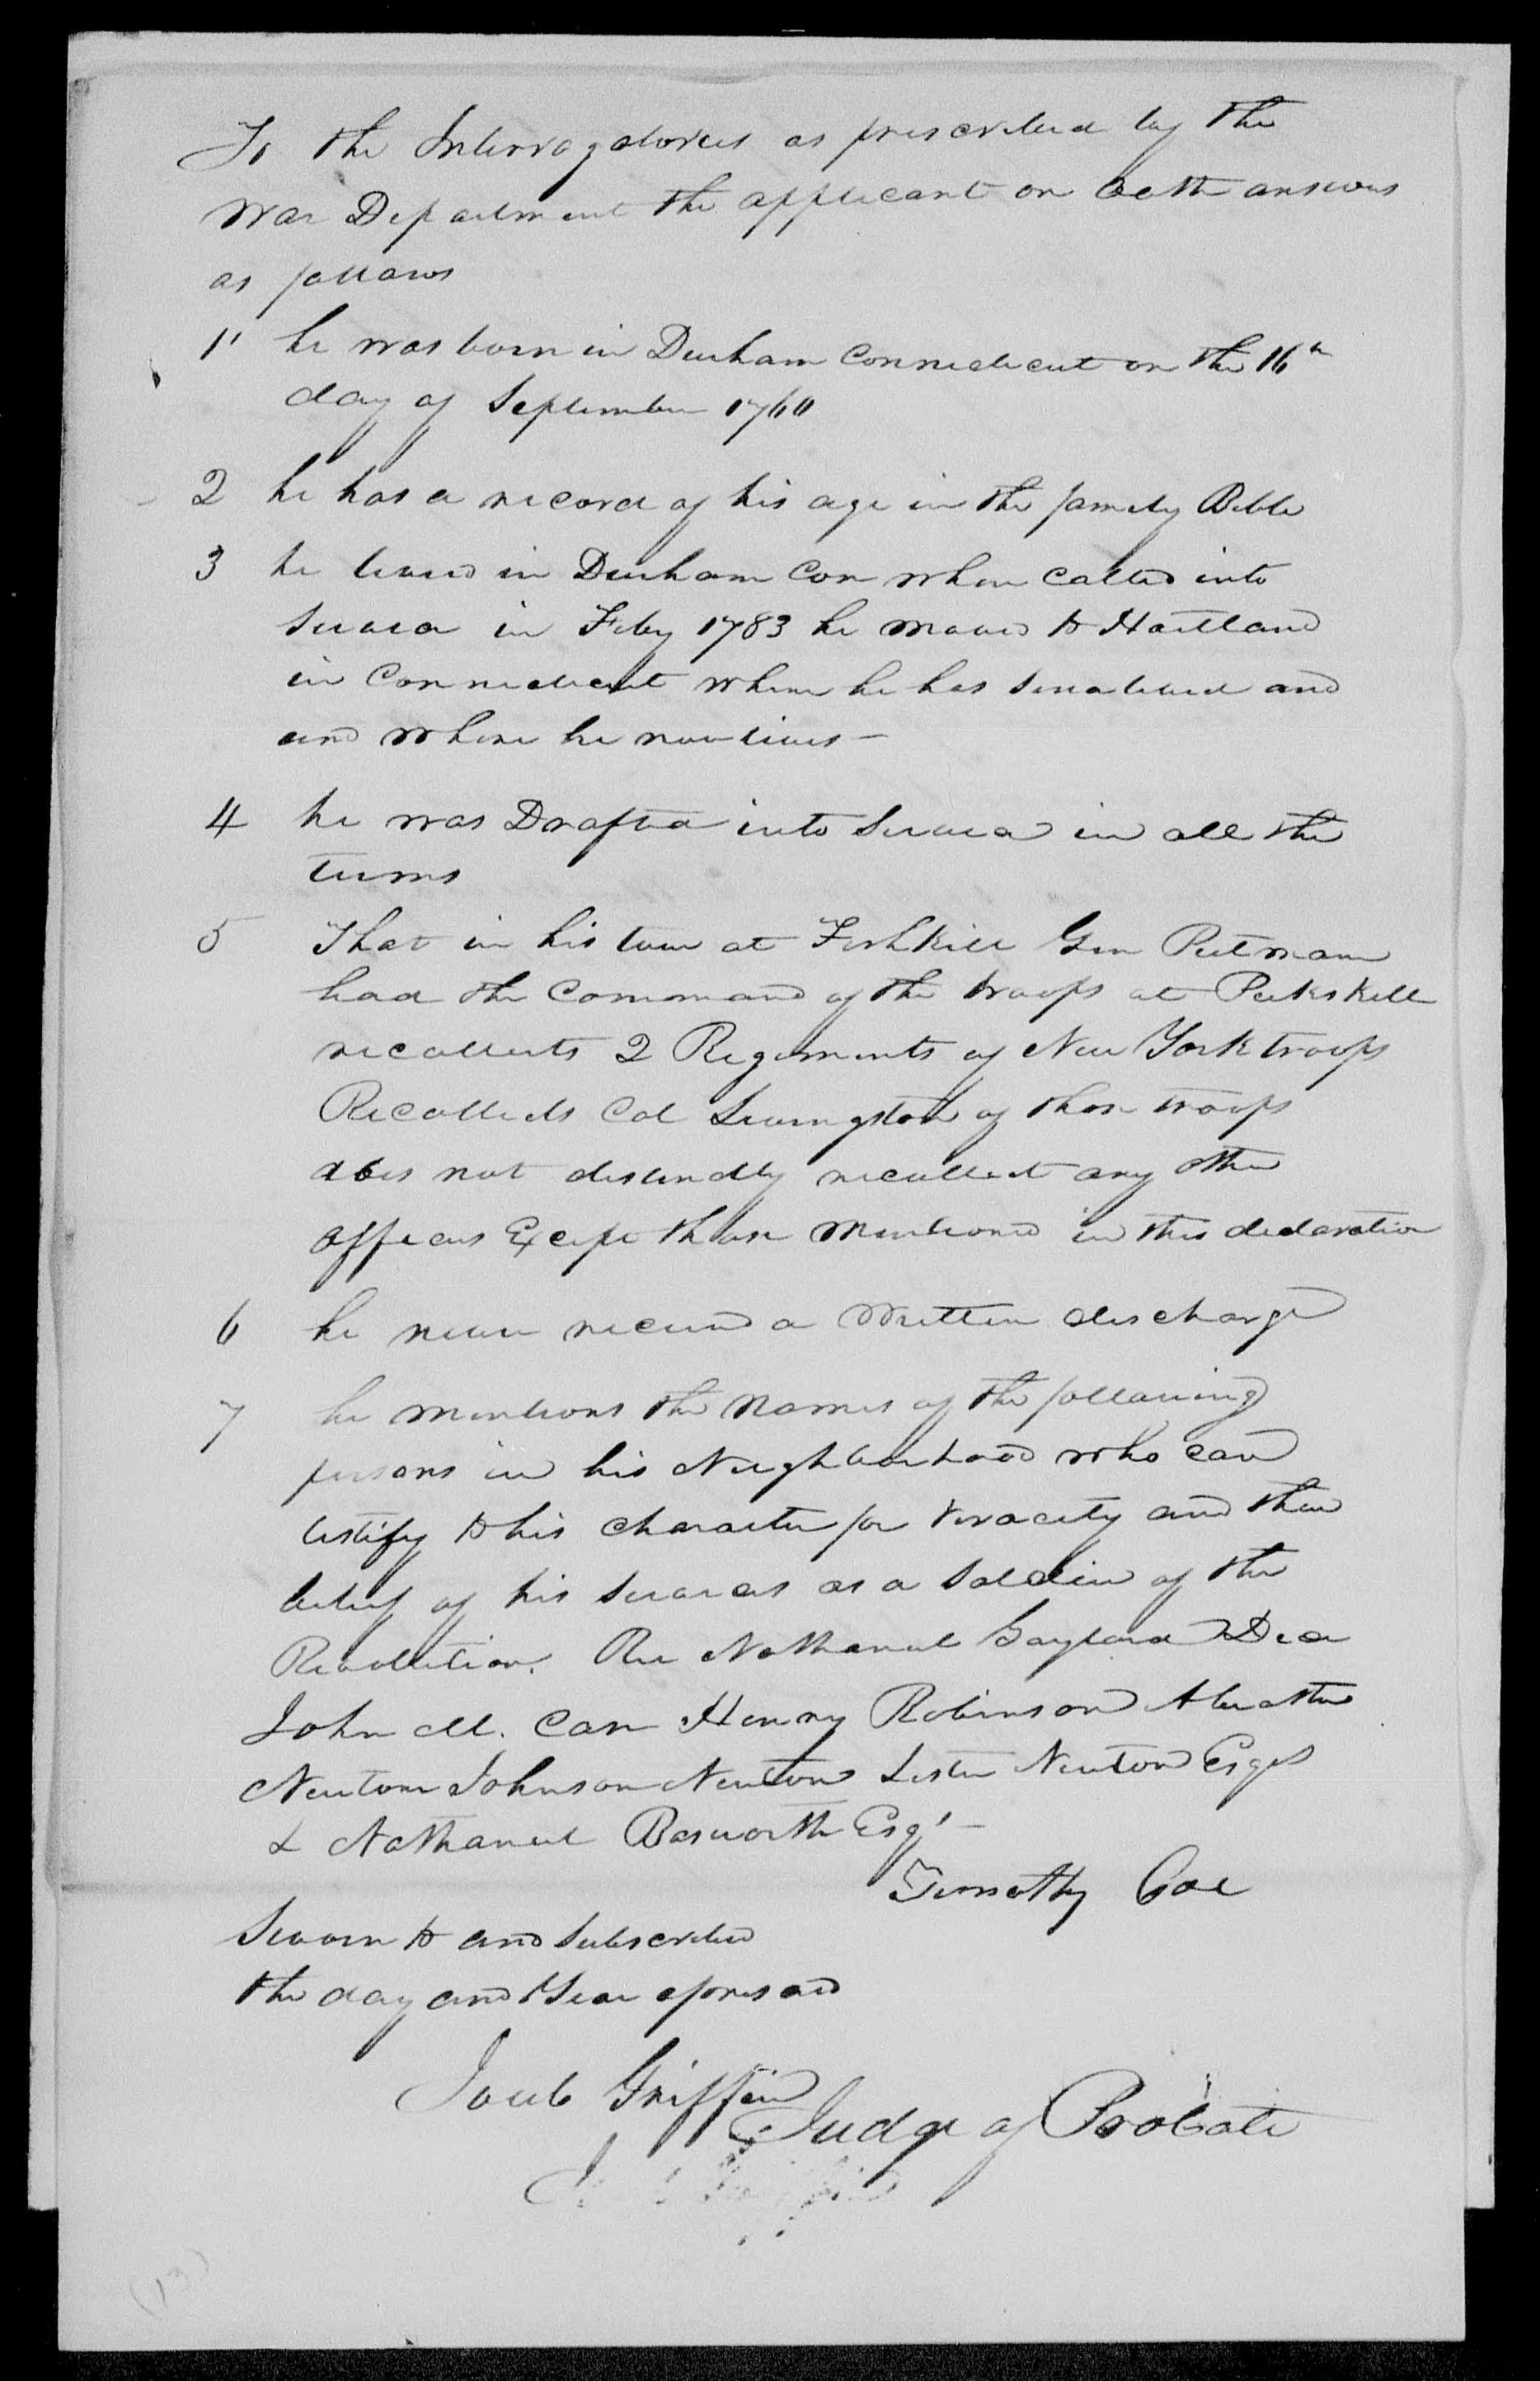To the Interrogatories as prescribed by the
War Department the applicant on oath answers
as follows
1 he was born in Durham Connecticut on the 16th
day of September 1760
2 he has a record of his age in the family Bible
3 he lived in Durham Con when called into
service in Feby 1783 he moved to Hartland
in Connecticut where he has settled and
and where he now lives 
4 he was drafted into Service in all the terms
5 That in his time at Fishkill Gen Putman
had the command of the troops at Peekskill
recollects 2 Regiments of New York troops
Recollects Col Livingston of those troops
be not distinctly recollect any other
officers Except those mentioned in this declaration
6 he never received a written discharge
7 he mentions the names of the following
persons in his Neighborhood who can
testify to his character for veracity and his
belief of his services as a soldier of the
Revolution, Rev Nathaniel Gaylord Dear
John M. Can Henry Robinson Abrothes
Newton Johnson Newton Lester Newton Esq
& Nathaniel Basworth Esq
Timothy Coe
Sworn to and subscribed
the day and year aforesaid
Soul Griffin Judge of Probate
I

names: Livingston, Johnson Newton, Lester Newton, Abrothes Newton, Nathaniel Gaylord, Nathaniel Basworth, Henry Robinson, Putman, John M Case, Joab Griffin, Timothy Coe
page: 7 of 76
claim: widow's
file: W. 5,250, Timothy Coe, Conn.